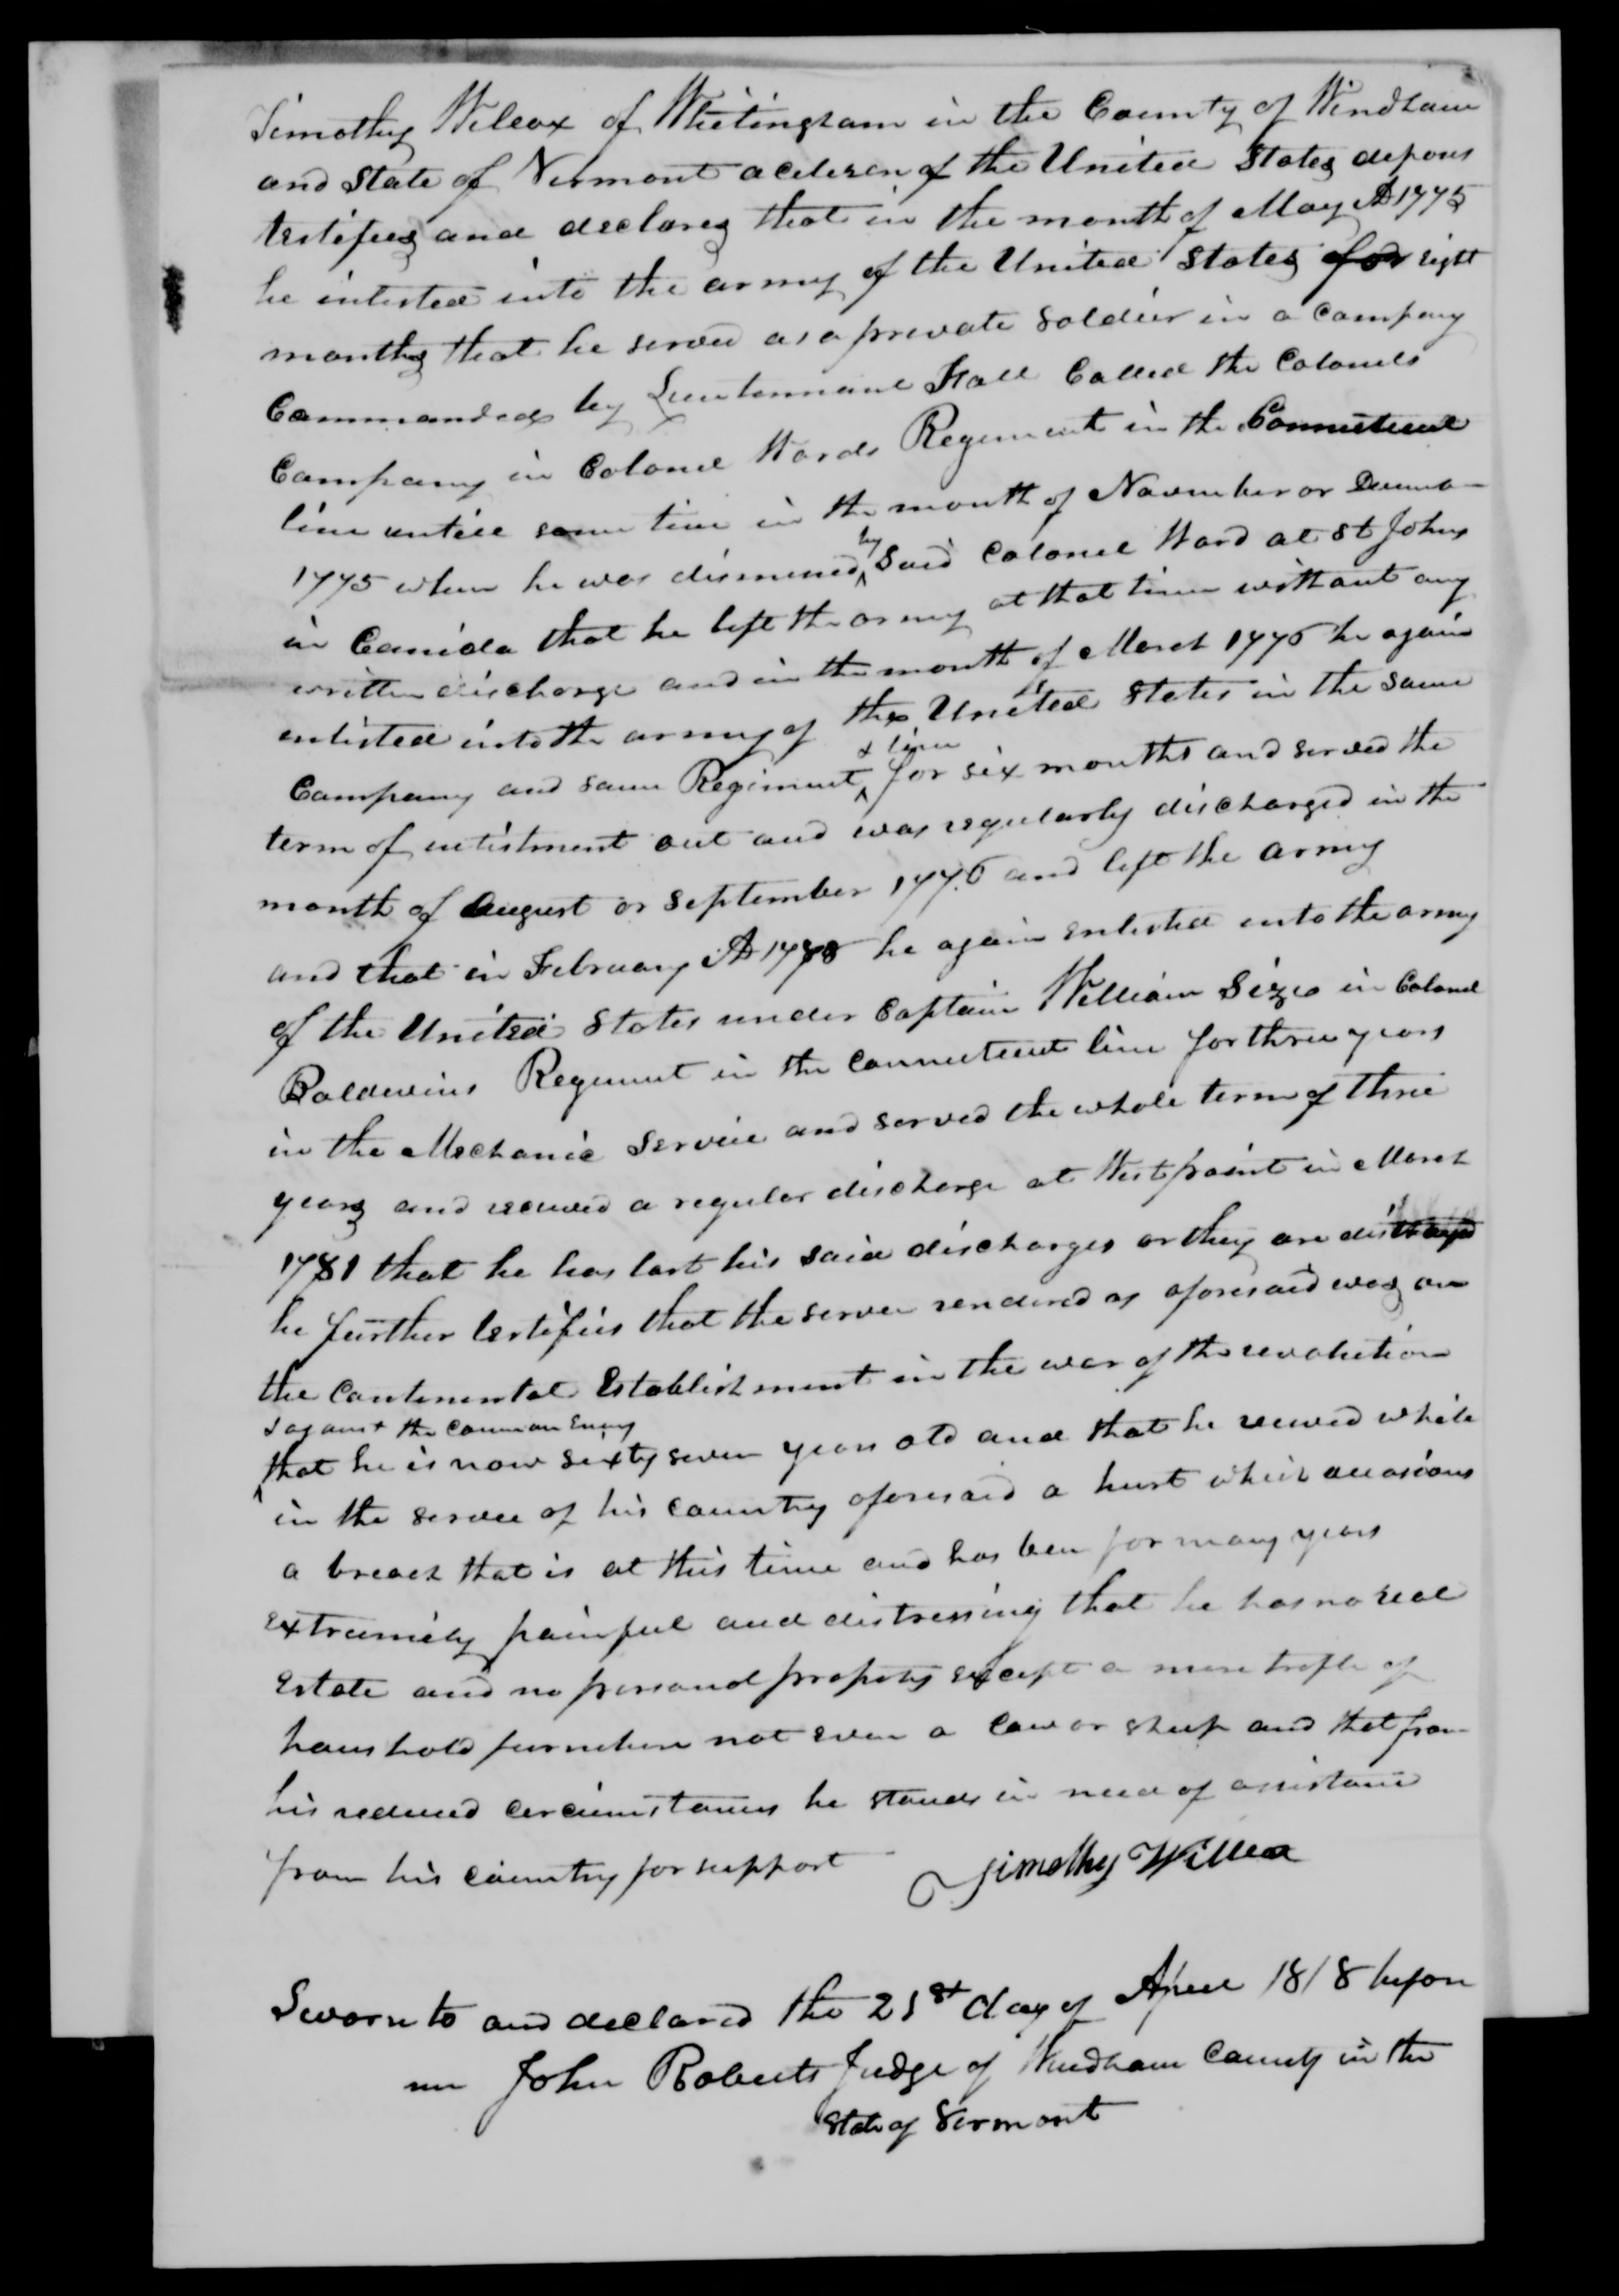Timothy Wilcox of Whitingham in the County of Windland
and State of Vermont a citizen of the United States depons
testifies and declares that in the month of May AD 1775
he enlisted into the army of the United States for right
months that he served as a private soldier in a company
commanded by Lieutenant Fall Called the Colonel
Company
in Colonel Wards Regiment in the Connecticut
line until some time in the month of November or number
1775 when he was dismissed said Colonel Ward at St John
in Canada that he left the army
at that time without any
written discharge and in the month of March 1776 he again
the United States in the same
enlisted into the acting
Company and
term of inlistment out and was regularly discharged in the
month of August or September 1776 and left the army
and that in February AD 1778 he again enlisted into the army
of the United States under Captain William Size in Colonel
Baldwins Regiment in the Connecticut line for three years
in the Mechanic Service and served the whole term of three
years and received a regular discharge at West  point in March
1781 that he has lost his said discharge or they are discharged
he further certifies that the service rendered as aforesaid was an
the Continental Establishment in the eve of the revolution
against the Common Enemy
that he is now sixty seven years old and that he received while
in the service of his country aforesaid a trust which occasions
a breach that is at this time and has been for many years
extremity painful and distressing that he has no real
Estate and no personal proports except a man trope of
household furniture not even a law or sheep and that from
his reduced circumstances he stands in need of assistance
from his country for support
Timothy Willcox
Sworn to and declared the 21st day of April 1818 before
John Roberts Judge of Windham County in the
State of Vermont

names: Ward, Fall, Timothy Wilcox, Timothy Willcox, John Roberts, William Size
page: 6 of 15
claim: survivor's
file: S. 41336, Timothy Willcox, Conn. Continental